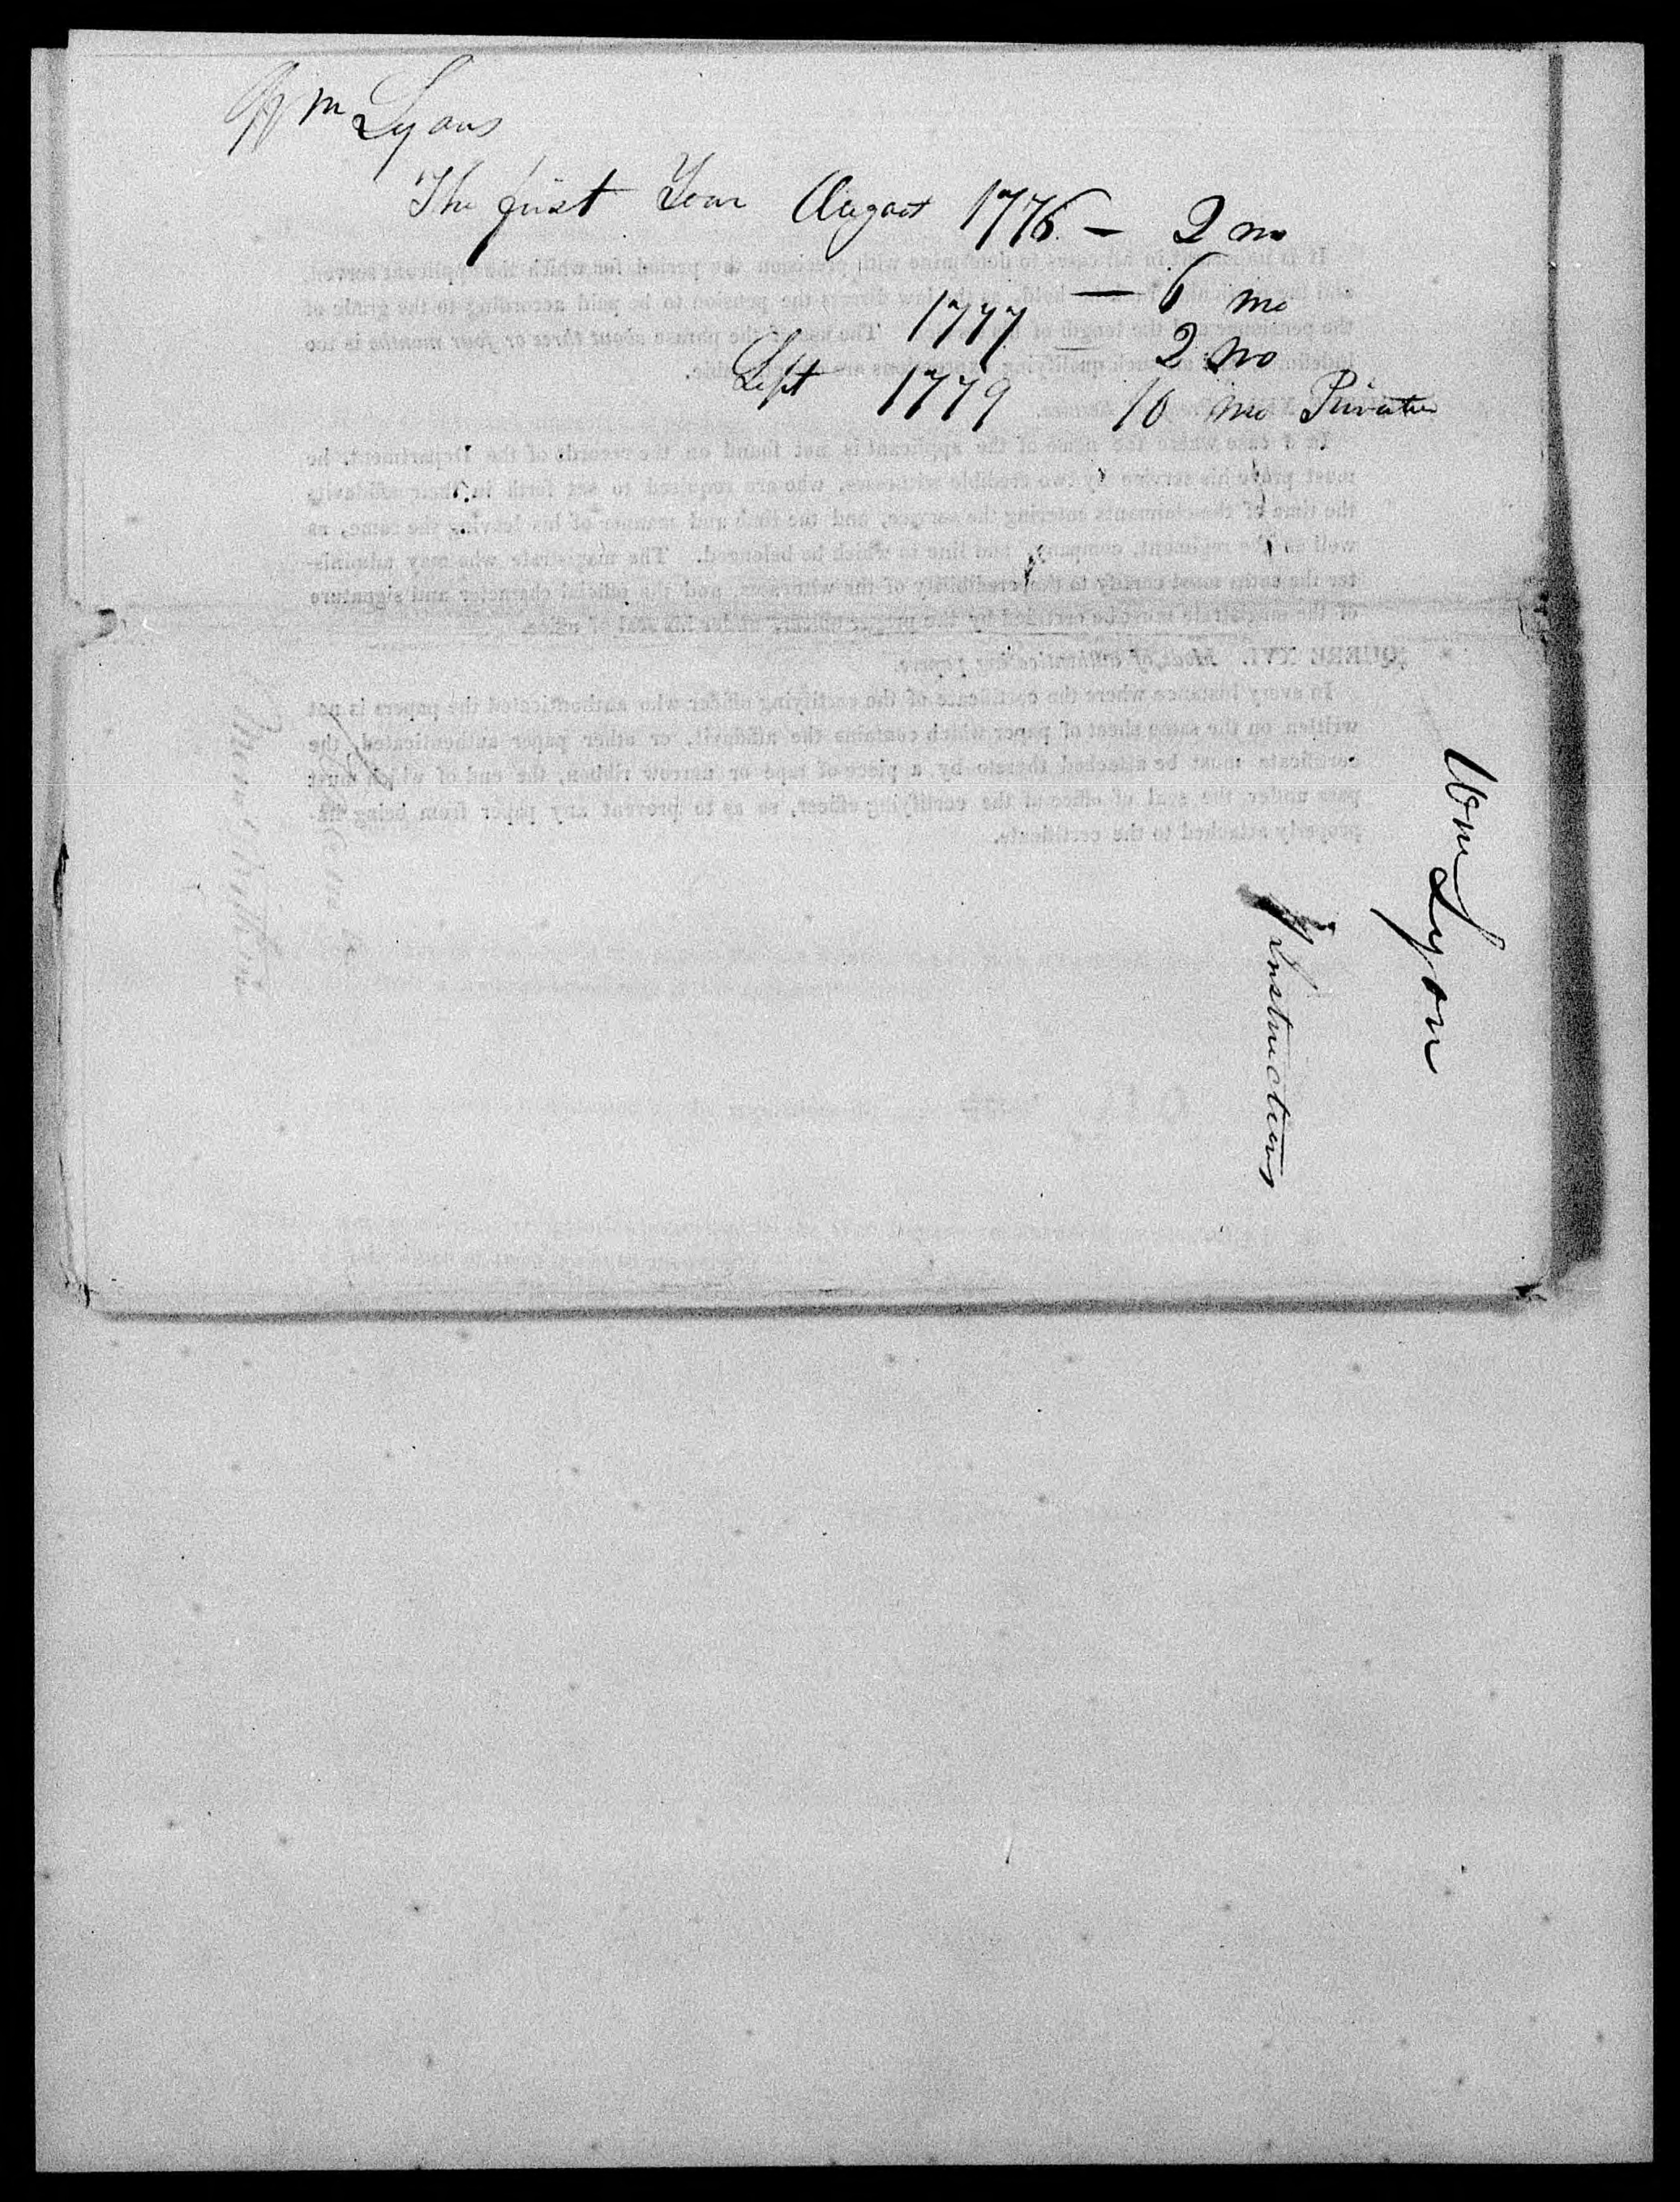Wm Lyons
The first Year August 1776 2 mo
1777 6 mos
Sept 1779 10 mos Private

Wm Lyon 
Instructions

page: 31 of 41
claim: survivor's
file: S. 4585, for William Lyons, Pennsylvania